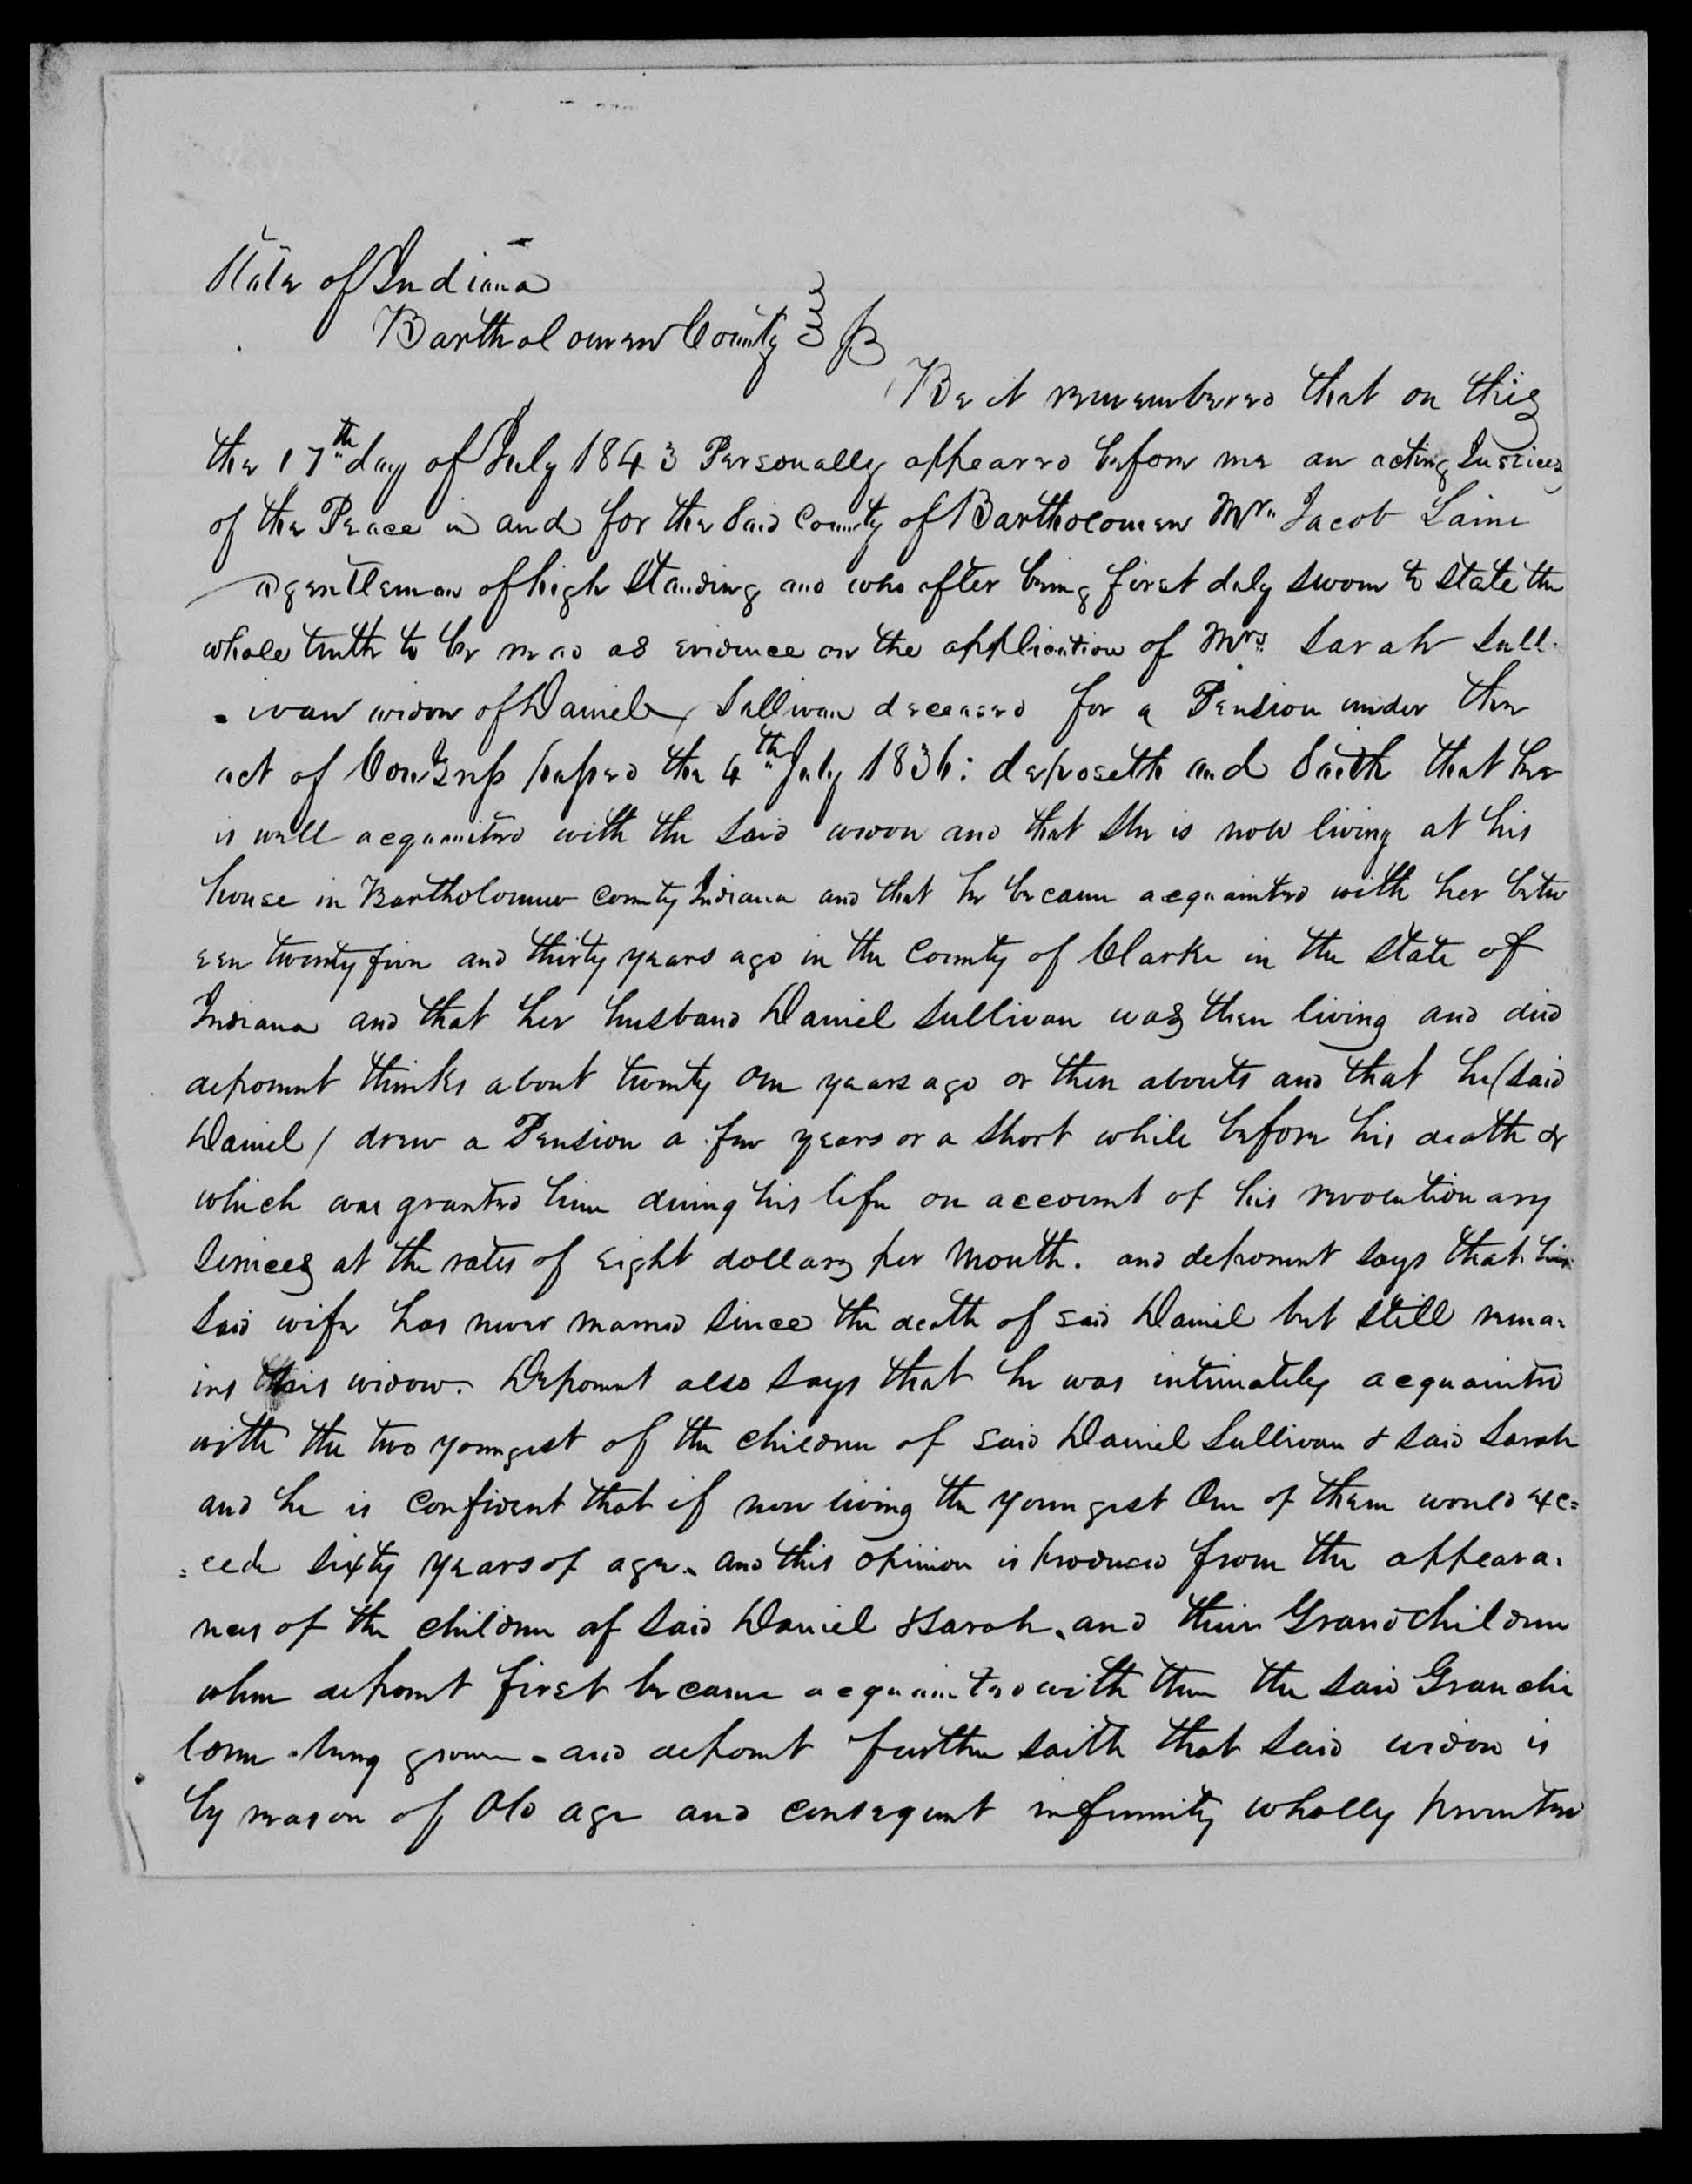State of Indiana Bartholomew County } ss

Be it remembered that on this the 17th day of July 1843 Personally appeared before me an acting Justice of the Peace in and for the said County of Bartholomew Mr. Jacob Laine a gentleman of high standing and who after being first duly sworn to state the whole truth to be read as evidence on the application of Mrs. Sarah Sullivan widow of Daniel Sullivan deceased for a Pension under the act of Congress passed the 4th July 1836: deposeth and saith that he is well acquainted with the said widow and that she is now living at his house in Bartholomew County Indiana and that he became acquainted with her between twenty five and thirty years ago in the County of Clark in the state of Indiana and that her husband Daniel Sullivan was then living and died deponent thinks about twenty one years ago or thereabouts and that he (said Daniel) drew a Pension a few years or a short while before his death & which was granted him during his life on account of his revolutionary services at the rate of eight dollars per month. and deponent lays that his said wife has never married since the death of said Daniel but still remains his widow. Deponent also says that he was intimately acquainted with the two youngest of the children of said Daniel Sullivan & said Sarah and he is confident that if now living the youngest one of them would exceed sixty years of age, and this opinion is known from the appearance of the children of said Daniel Sarah, and their Grandchildren whom deponent first became acquainted with them the said Grandchildren living grown - And deponent further saith that said widow is by reason of old age and consequent infirmity wholly [illegible]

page: 34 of 78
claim: widow's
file: W. 25,169, for Daniel Sullivan, Maryland